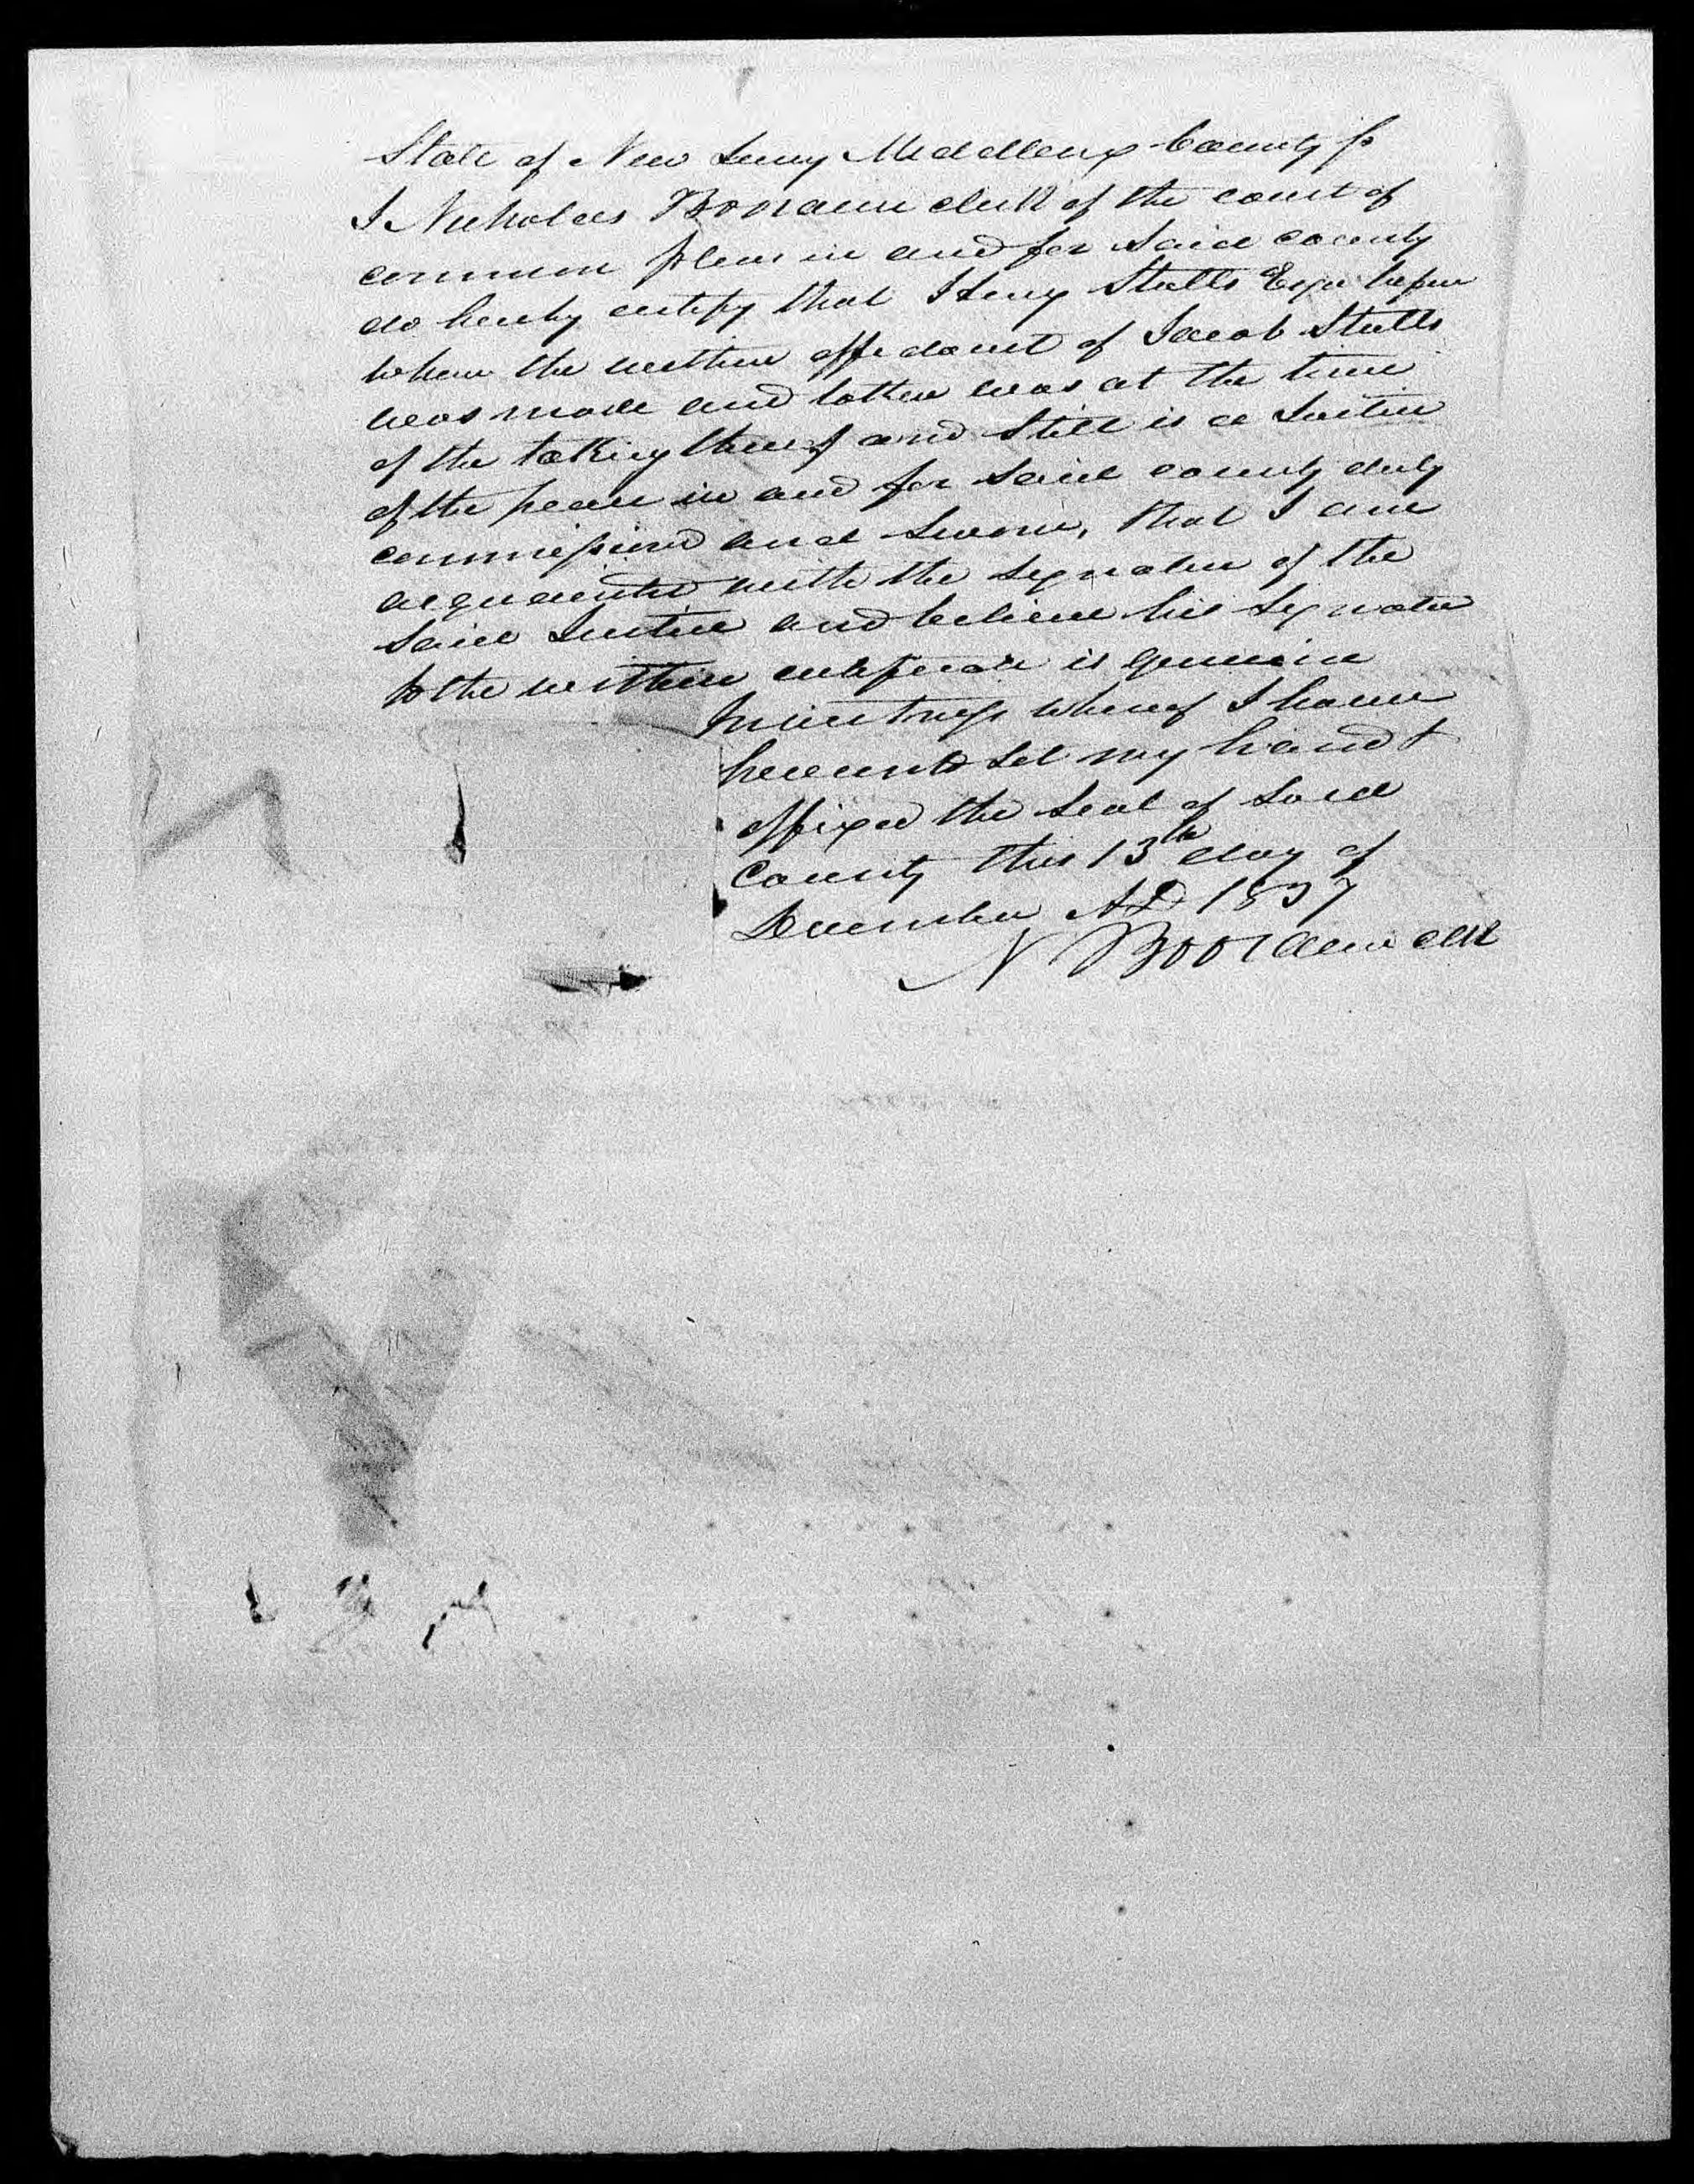State of New Henry Middlesex County ss
I Nicholas Booraem clerk of the Court of
common pleas in and for said County do hereby certify that Henry Stulls Esq before whom the within affidavit of Jacob Stulls was made and  [illegible] was at the time of the taking thereof and still is a Justice of the peace in and for said County duly commissioned and sworn, that I am
acquainted with the signature of the said Justice and believe his signature to the within certificate is Genuine

In witness whereof I have
hereunto set my hand &
affixed the seal of said
County this 13 day of
December AD 1837
N Booraem clk
[seal affixed at left]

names: Nicholas Booraem, Jacob Stulls, Henry Stulls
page: 18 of 34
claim: widow's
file: W. 940, John Hulshart, New Jersey